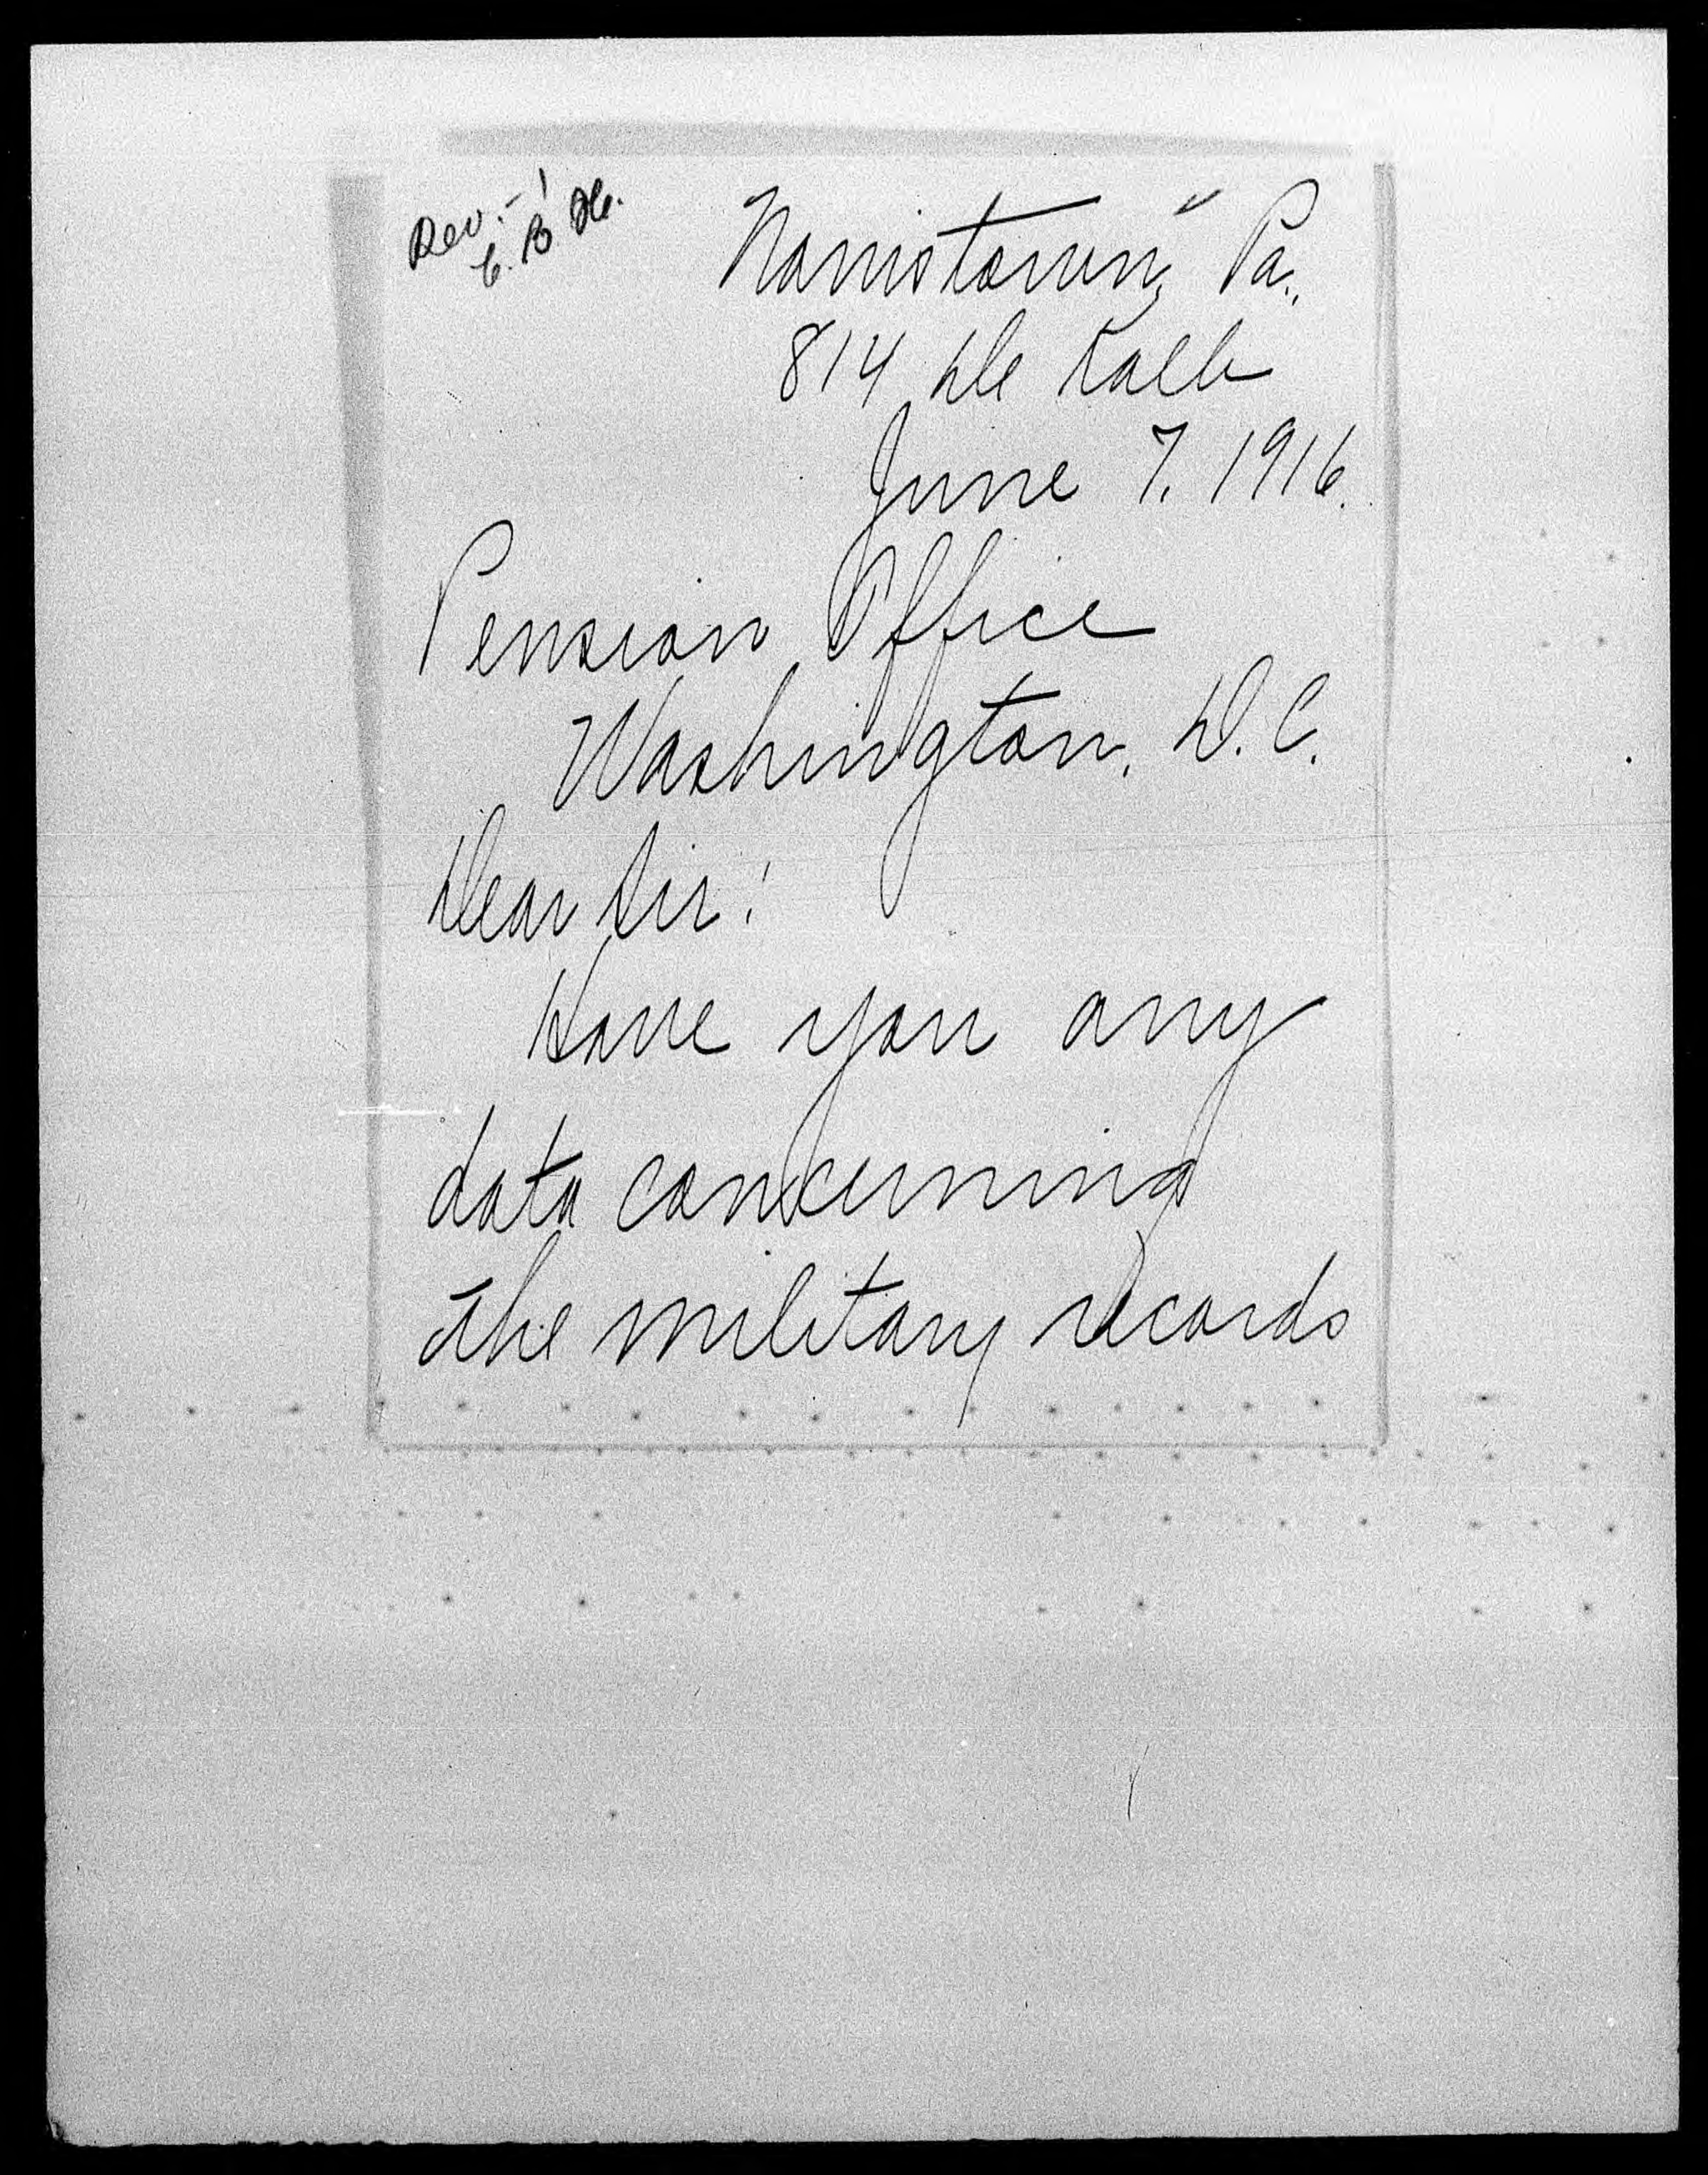Norristown, Pa
814 DeKalb
June 7, 1916

Pension Office
  Washington, DC

Dear Sir
   Have you any data concerning the military records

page: 52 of 58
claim: widow's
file: W. 25813, Jehiel Hull, Conn.